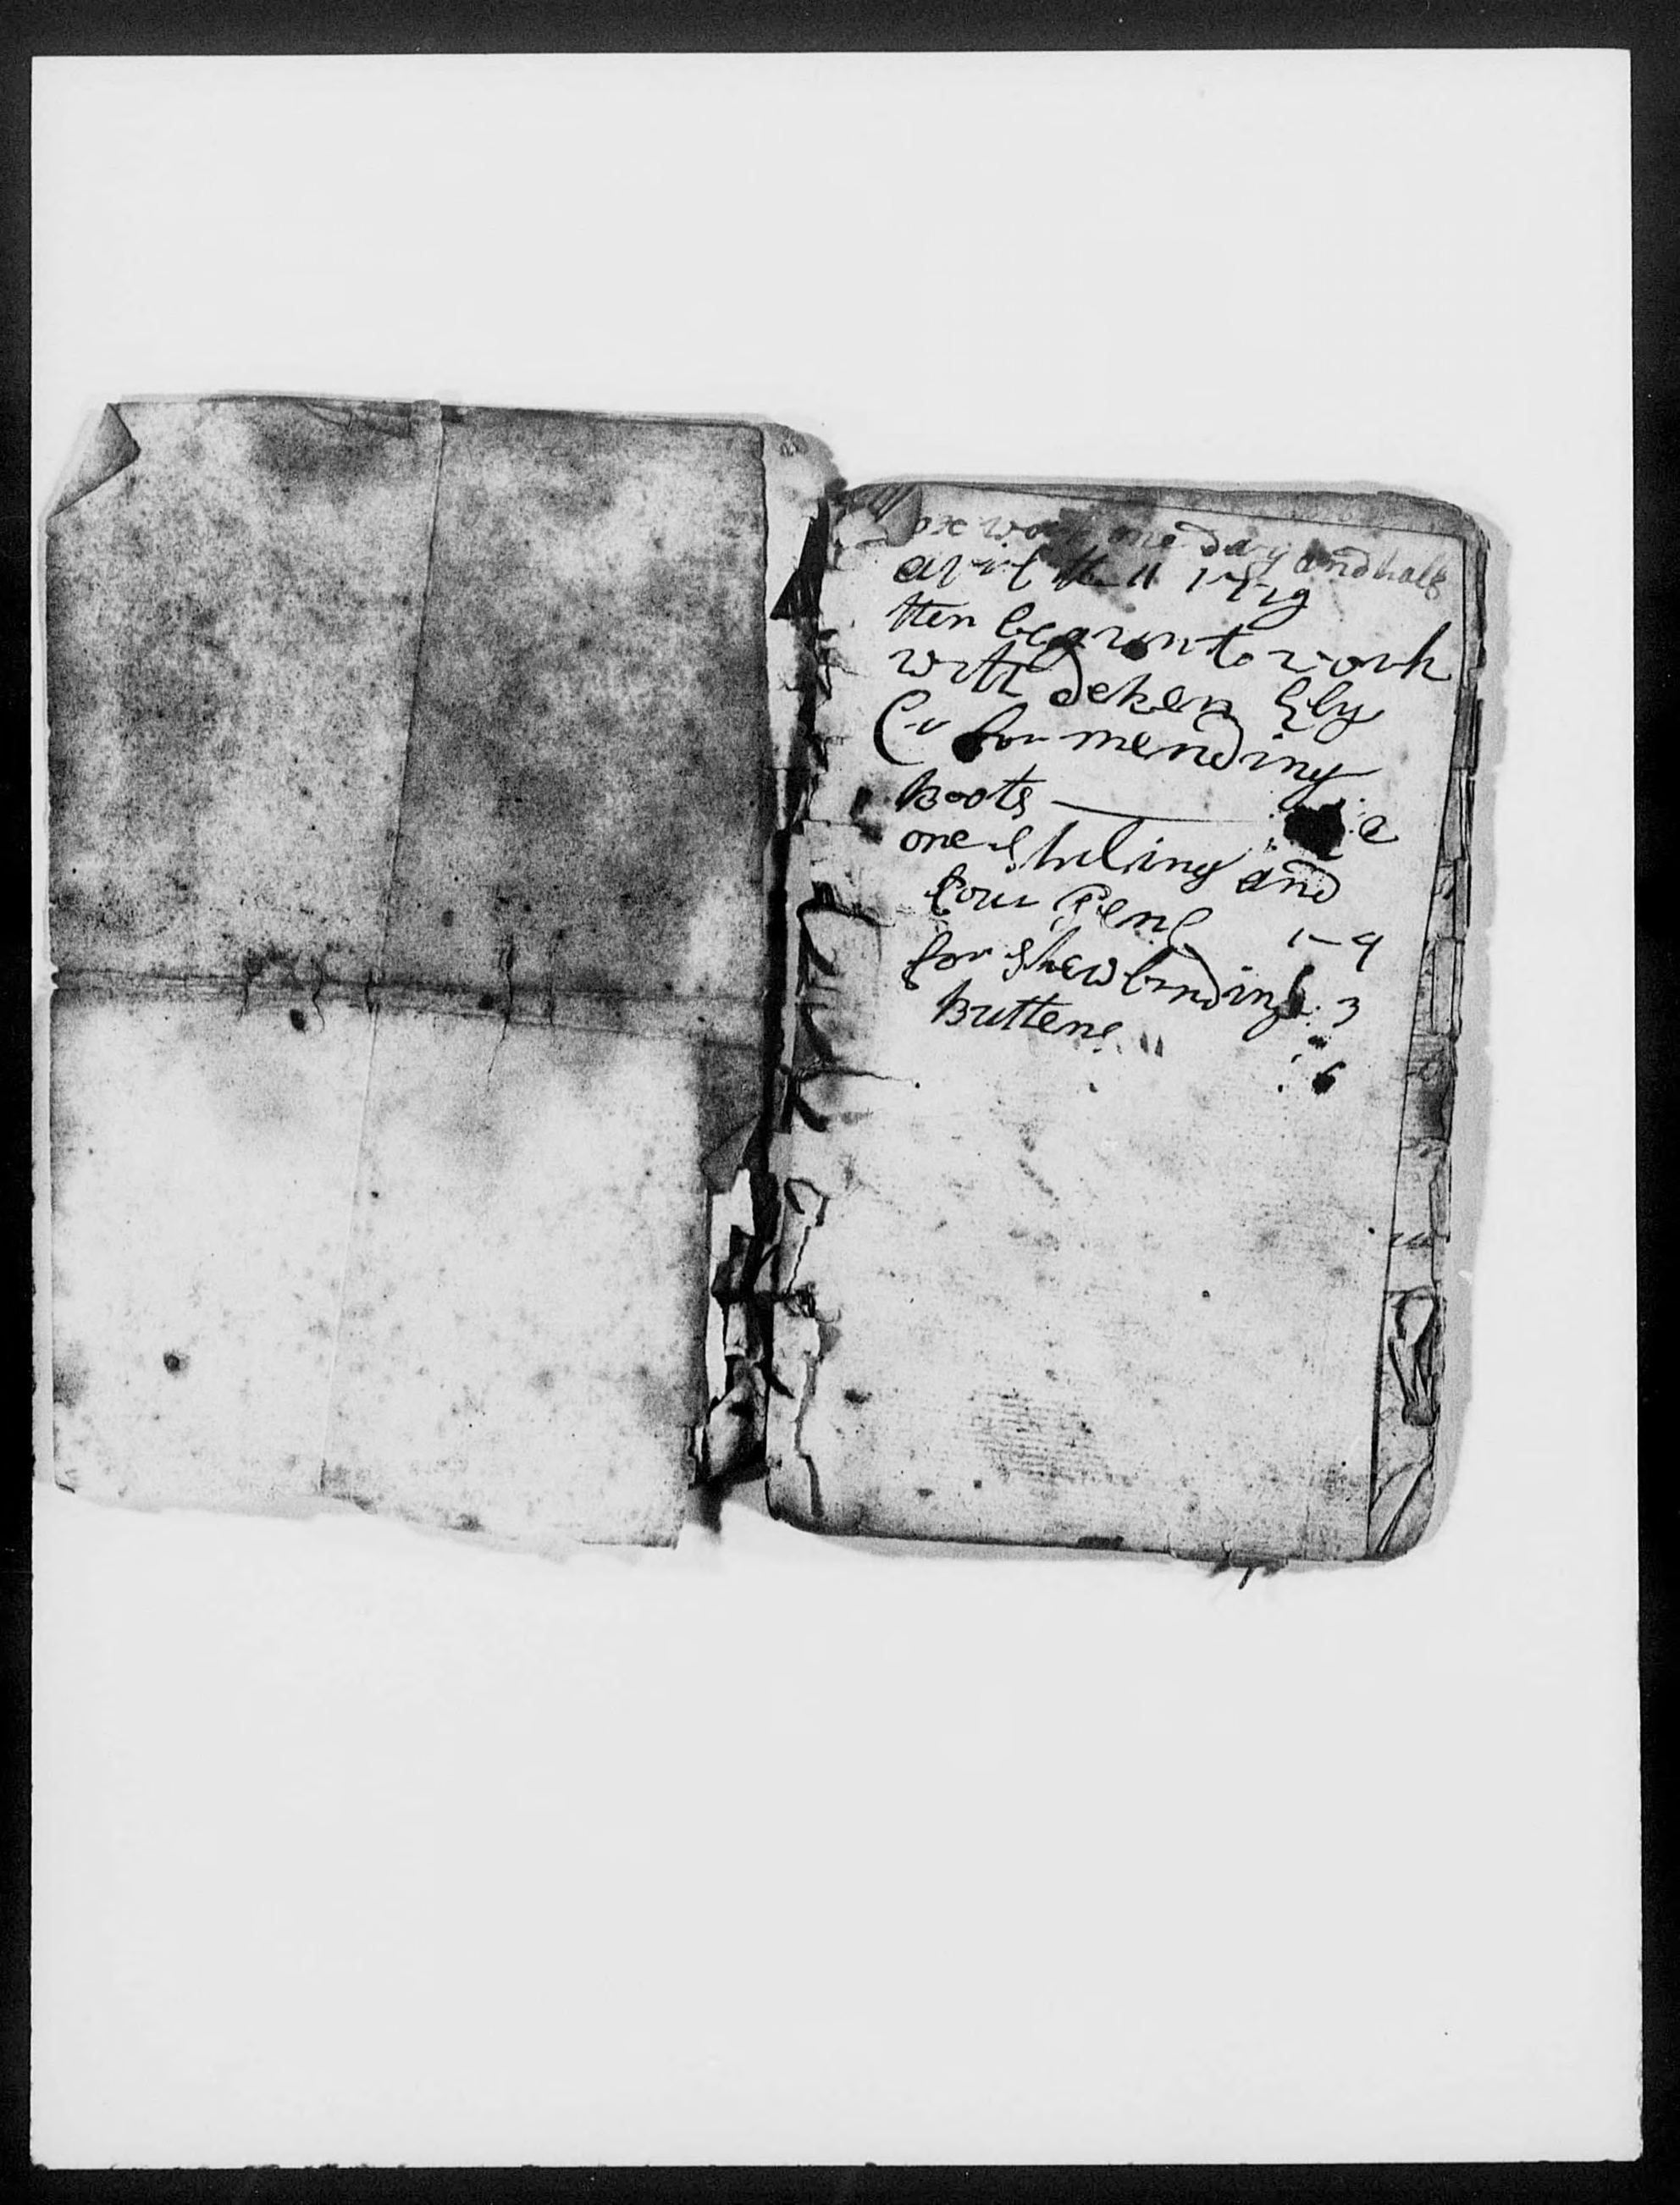(?) the 11 1 (?)
Item beg. unto work with Jeken Ely Co. for mending my boots ie. one shilling and 4 pence 1-9 for shoe binding 3 buttons.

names: Shew Cording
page: 13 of 34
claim: widow's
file: W. 20,896, Timothy Corless, Continental Mass